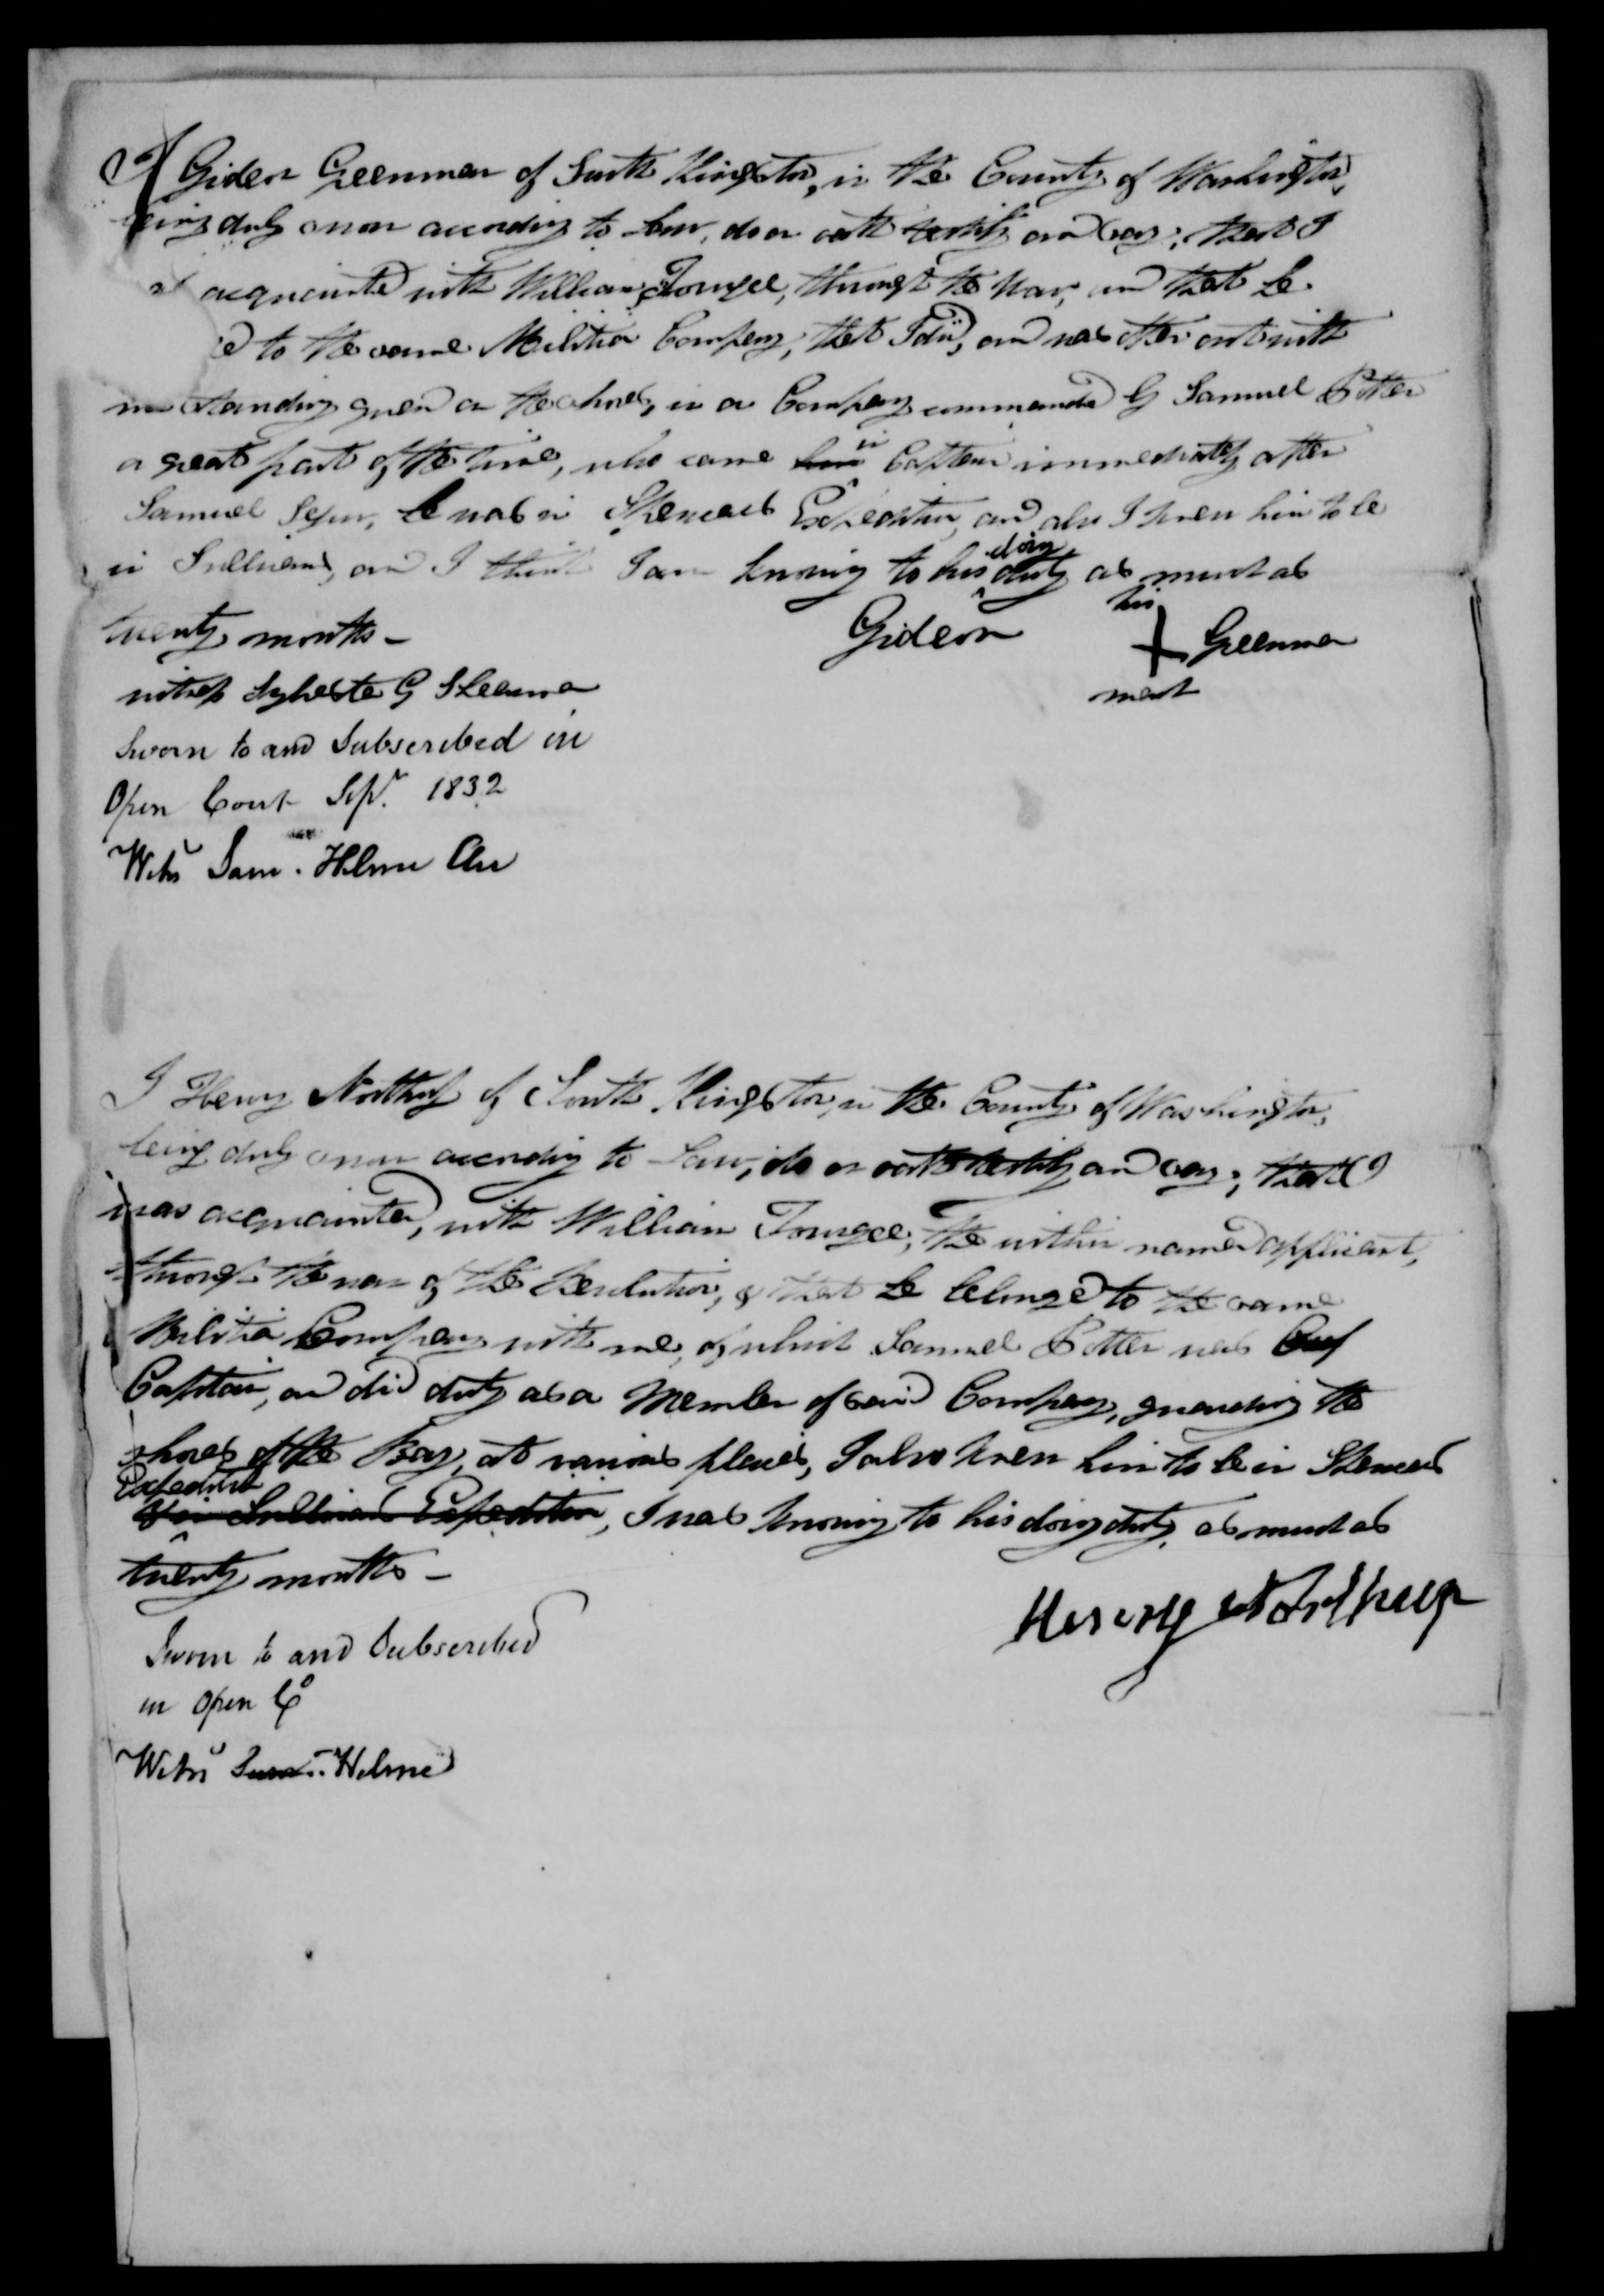I Gideon Greenman of South Kingstown in the county of Washington being duly sworn according to law do on oath certify and say: that I am acquainted with William Tourgee through War and that he [obscured] to the same Militia Company that I did and was often out with no standing given on the [illegible] in a Company commanded by Samuel Potter a great part of the time who came in Captain immediately after Samuel Segur. I was in Sheneach Expedition and also I [illegible] him to be in Sullivans and I think I am knowing to his doing duty as much as twenty months
Gideon Greenman his X mark
Witness Sylveste G Sheaman 
Sworn to and subscribed in Open Court Sept 1832
Witness Sam Helme Clk

I Henry Northrop of South Kingstown in the County of Washington being duly sworn according to the Law, do on oath certify and say; that I was acquainted with William Tourgee; the within named applicant through the war of the Revolution & that he belonged to the same Militia Company with me, & which Samuel Potter was Captain and did duty as a member of said Company guarding the shores of the Bay at various places, I also knew him to be in Sheneach Expedition  I was knowing to his doing duty as much as twenty months
Henry Northrop
Sworn to and subscribed in open Ct
Witns Saml Helme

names: Sam Helme, Samuel Potter, Henry Northrop, William Tourgee, William Tourgee, Samuel Potter, Saml Helme, Gideon Greenman, Henry Northrop, Sylveste G Shearman, Samuel Segur, Gideon Greenman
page: 13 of 21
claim: survivor's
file: S. 21537, William Tourgee, R.I.